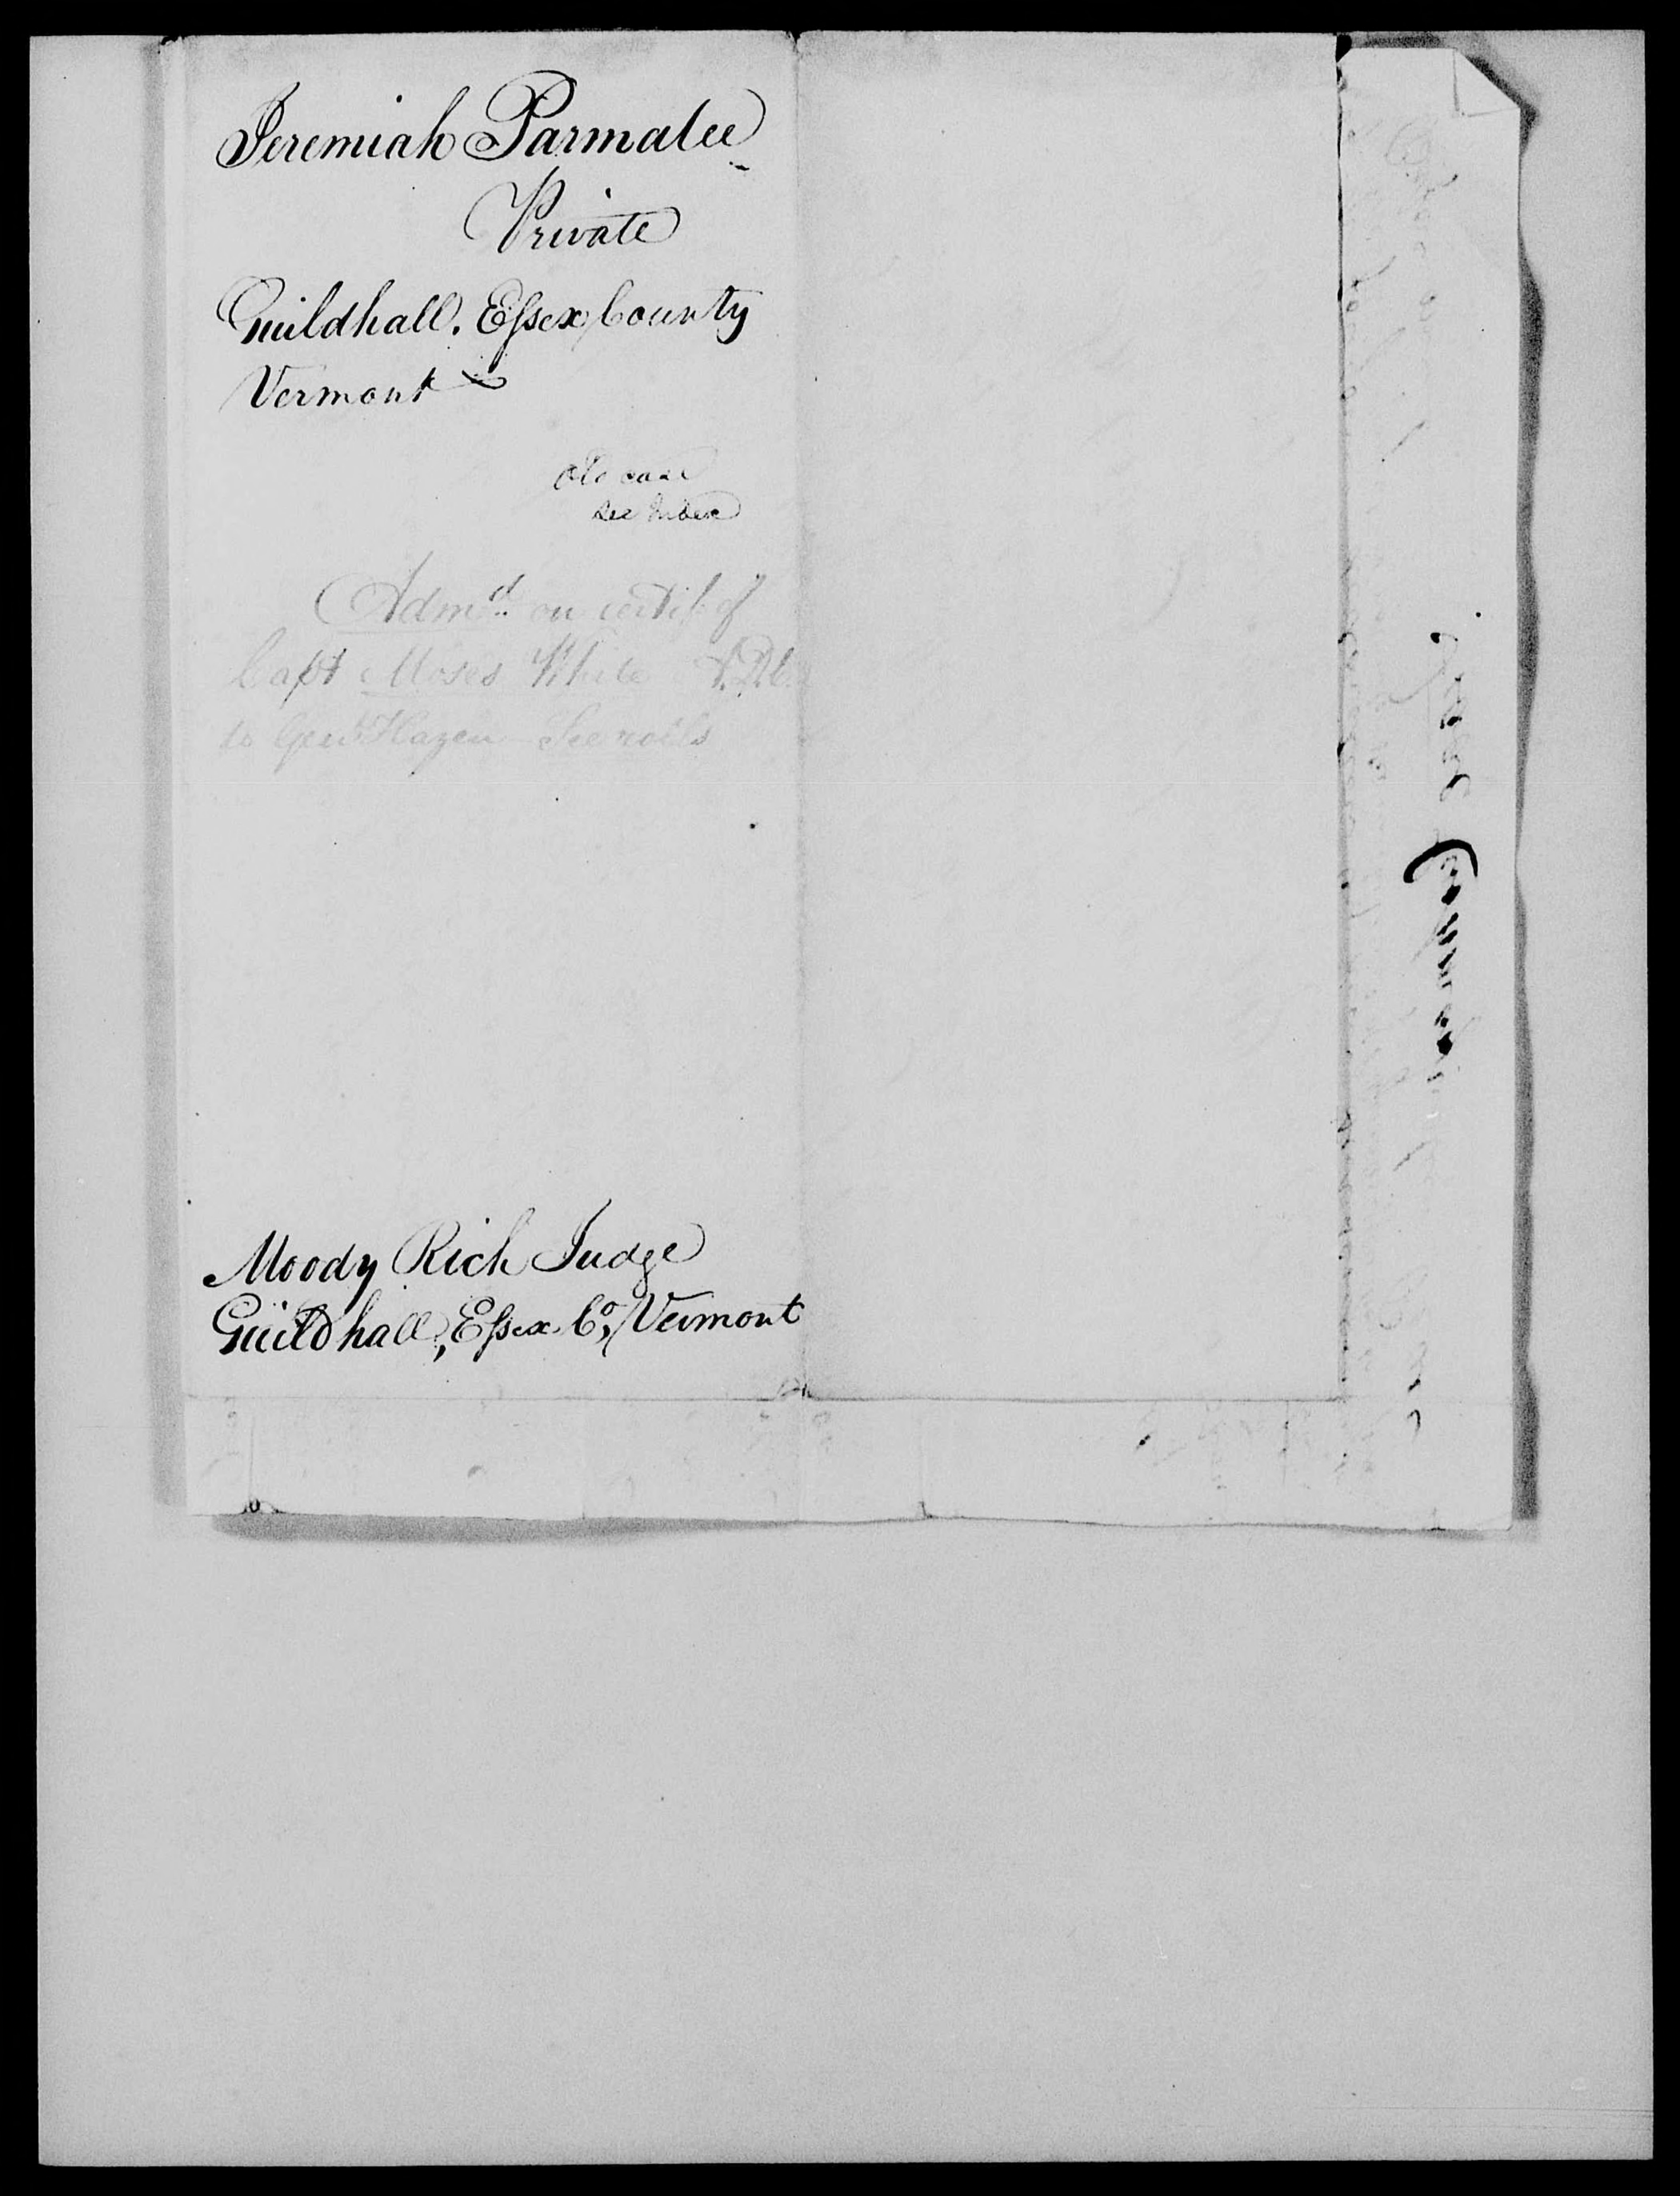Jeremiah Parmalee
Private
Guildhall,Essex County
Vermont
Old case
See Index
Admd on certif of
       ..
Capt Moses White [ ]
To Gen Hazen [. ]]

Moody Rich Judge
Guildhall,Essex Co, Vermont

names: Moody Rich; [BLANK] Hazen; Jeremiah Parmalee; Moses White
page: 4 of 11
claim: survivor's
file: S. 41,048, for Jeremiah Parmalee, Connecticut